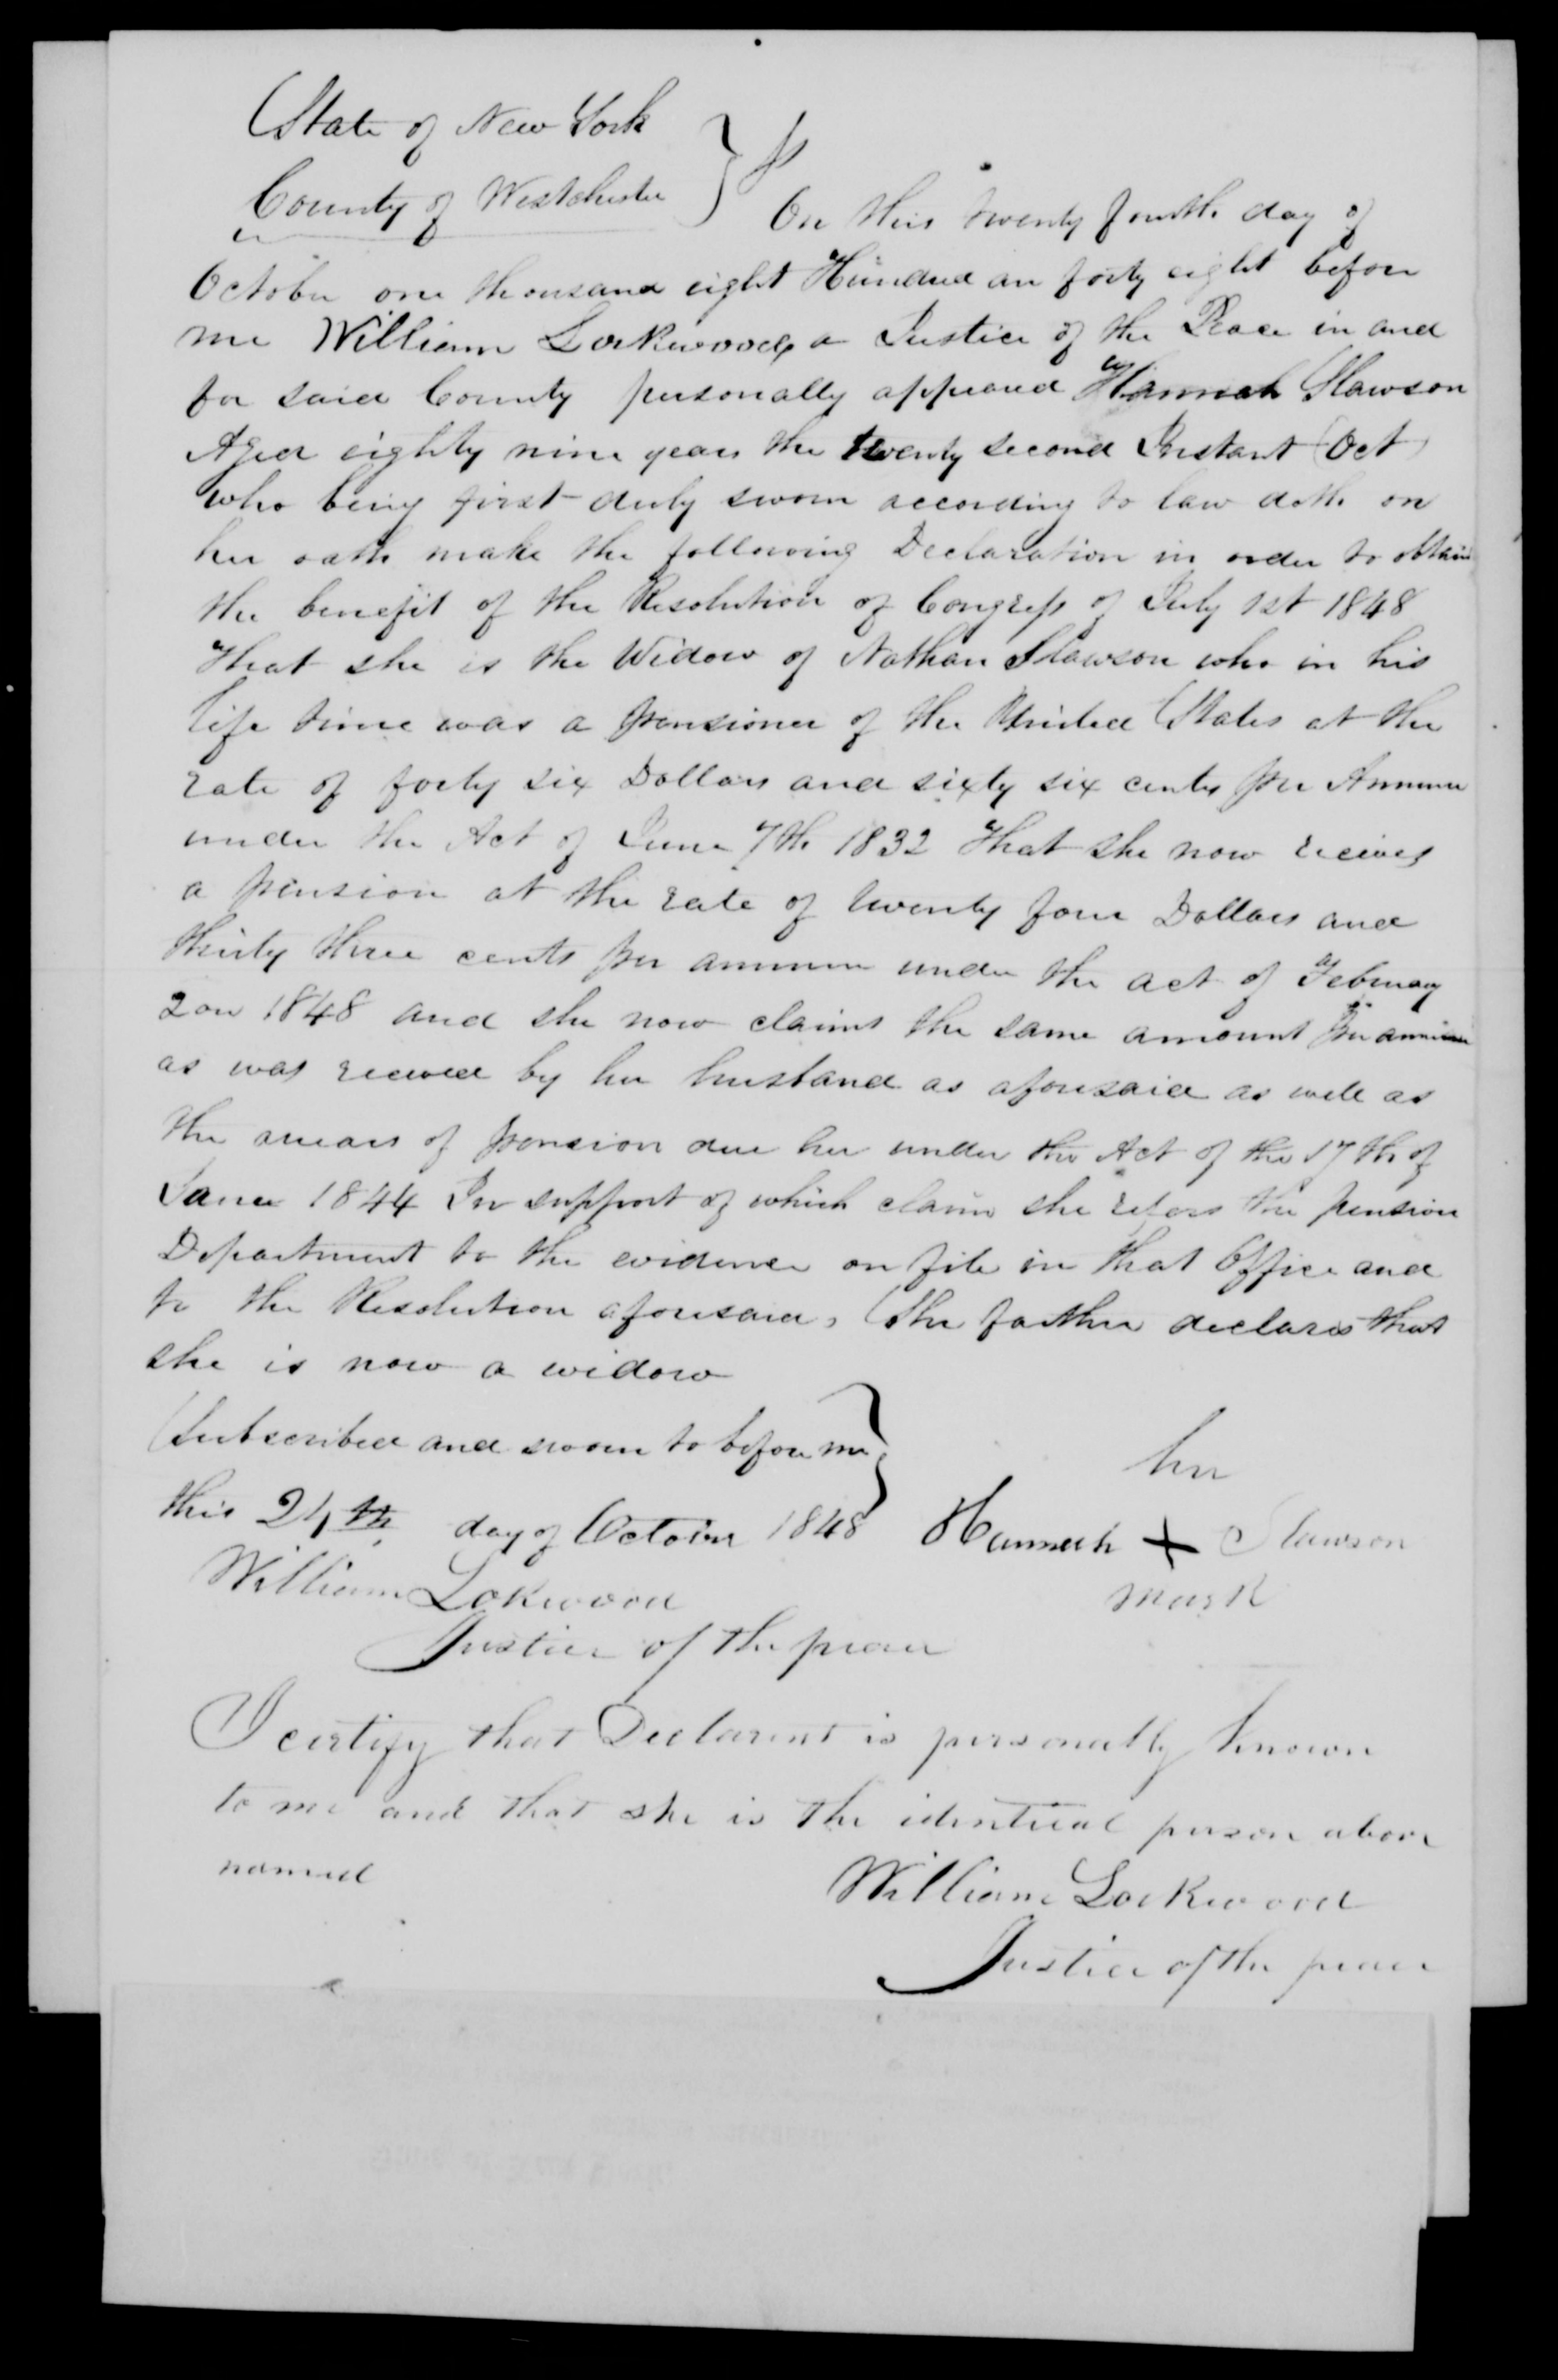State of New York 
County of Westchester} ss On this twenty fourth day of October one thousand eight Hundred and forty eight before me William Lockwood a Justice of the Peace in and for said County personally appeared Hannah Slawson Aged eighty nine years the twenty second Instant Oct,  who being first duly sworn according to law doth on her oath make the following declaration in order to Obtain the benefit of the Resolution of Congress of July 1st 1848.   That she is the widow of Nathan Slawson who in his life time was a pensioner of the United States at the rate of forty six Dollars and sixty six cents per Annum under the Act of June 7th 1832.   That she now receives a pension at the rate of twenty four Dollars and thirty three cents per annum under the act of February 2nd on 1848 and she now claims the same amount in as was received by her husband as aforesaid as well as the arrears of pension due her under the Act of the 17th of June 1844 In support of which claim she refers the pension Department to the evidence on file in that office and to the Resolution aforesaid, she further declares that she is now a widow 
Hannah Slawson her mark
Subscribed and sworn to before me her this 24th day of October 1848 
William Lockwood  
Justice of the peace 
I certify that the Declarant is personally known to me and that she is the identical person above named.  
William Lockwood
Justice of the Peace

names: William Lockwood; Hannah Slawson; William Lockwood; Nathan Slawson; Hannah Slawson; William Lokwood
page: 85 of 87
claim: widow's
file: W. 22,226, for Nathan Slawson, Connecticut